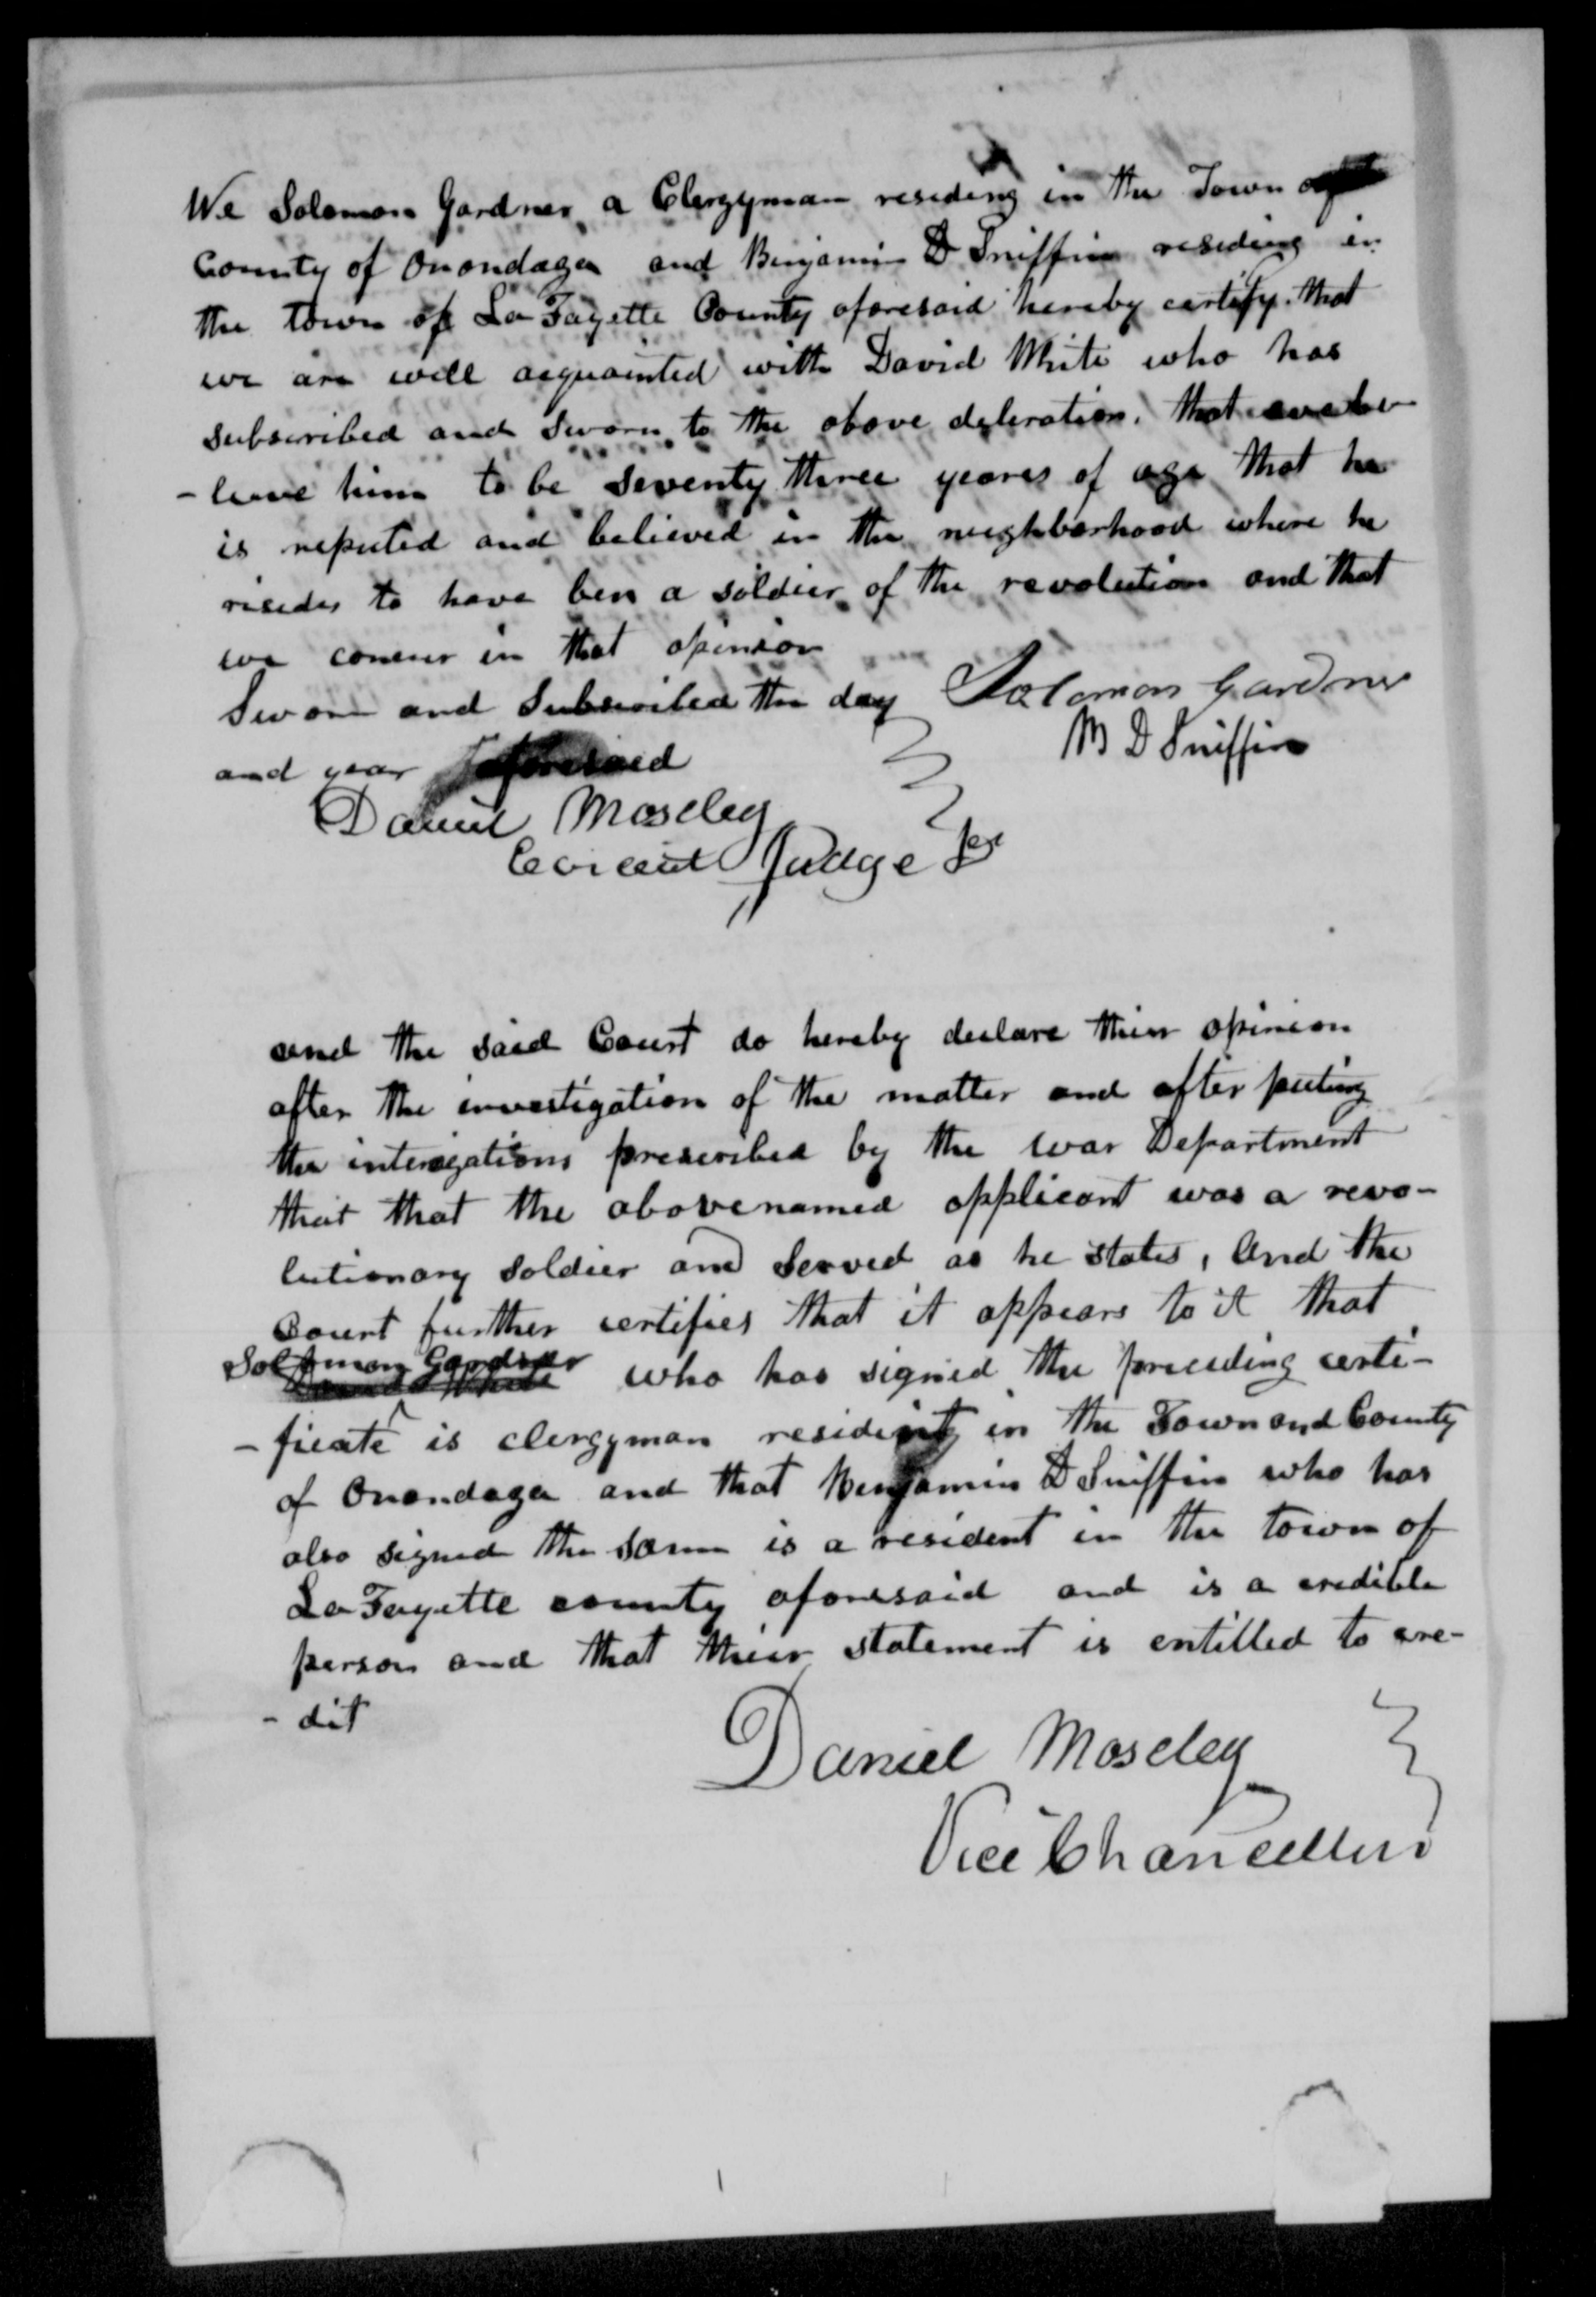We Solomon Gardner a Clergyman residing in the Town and County of Onondaga and Benjamin D Sniffin residing in the town of LaFayette County aforesaid hereby certify that we are well acquainted with David White who has subscribed and sworn to the above declaration that we believe him to be seventy three years of age that he is reputed and believe in the neighborhood where he resides to have been a soldier of the revolution and that we concur in that opinion
Sworn and Subscribed this day and year [smudged] Solomon Gardner  B.D. Sniffin

David Moseley Curcuit Judge Jed

And the said court do hereby declare their opinion after the investigation of the matter and after puting the interogations(sic) prescribed by the War Department that that(sic) the above named applicant was a revolutionary soldier and Served as he states, and the Court further certifies that it appears to it that Solomon Gardner who has signed the foreceding certificate is Clergyman resident in the Town and County of Onondaga and that Benjamin D Sniffin who has also signed the same is a resident in the town of LaFayette County of afforesaid and is a credible person and that their statement is entitled to credit.
Daniel Moseley
Vice Chanceller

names: David Moseley, Daniel Moseley, Solomon Gardner, Benjamin D Sniffin, David White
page: 7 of 63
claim: widow's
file: W. 18403, David White, Conn.